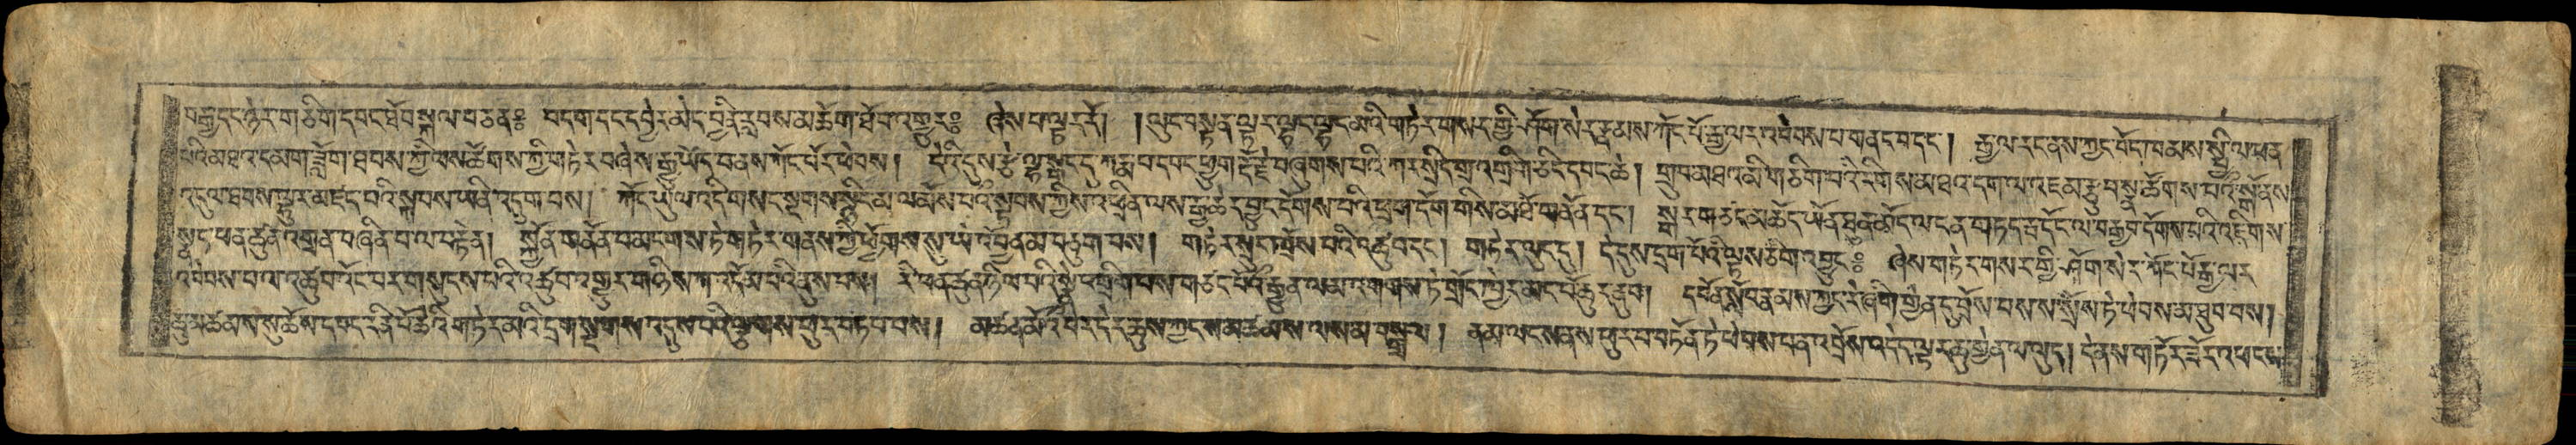བརྒྱ་དང་ཉེར་གཅིག་དབང་ཐོབ་སྒལ་བ་ཅནཿ་བདག་དང་དབྱེར་མང་བྱིན་རླབས་མཆོག་ཐོབ་འགྱུརཿ་ཞེས་པ་ལྟར་རོ། །ལུང་བསྟན་ལྷར་ལྷང་ལྷང་མའི་གཏེར་གསར་གྱི་ཤོག་སེར་རྣམས་ཀོང་བོ་རྒྱལ་ར་འབེབས་པ་གནང་བ་དང་། རྒྱལ་རང་ནས་ཀྱང་བོད་ཁམས་སྤྱི་ལ་ཕན་
པའི་མཐའ་དམག་ཟློག་ཐབས་ཀྱི་ལས་ཚོགས་ཀྱི་གཏེང་བཞེས་རྒྱུ་ཡོད་པ་ནས་ཀོང་བོར་ཕེབས། དེའི་དུས་རྩེ་ལྷ་སླད་དུ་ཀརྨ་པ་དབང་ཕྱུག་རྡོ་རྗེ་བཞུགས་པའི་ཀར་སྲིད་གྲ་འགྲིག་ཅིང་དབང་ཆེ། གྲུབ་མཐའ་མི་གཅིག་པའི་རིགས་མཐའ་དག་ལ་འཇམ་རྩུབ་སྣ་ཚོགས་པའི་སྒོ་ནས་
འདུལ་ཐབས་ལྷུར་མཛད་པའི་སྐབས་ཡིན་འདུག་བས། ཀོང་ཡུལ་འདི་གསང་སྔགས་སྙིང་མ་ལ་མོས་པའི་སྟབས་ཀྱིས་འཕྲིན་ལས་རྒྱ་ཆེར་བྱུང་དགོས་པའི་ཕྲག་དོག་གིས་མཐོ་གནན་དང་། སྒར་གཙང་མཆོད་ཡོན་ཐུན་མོང་ལ་ངན་གཏད་རྦ་དོང་ལ་བརྒྱབ་དོགས་བའི་འཇིགས་
སྣང་ཕན་ཚུན་འགྲན་བཞིན་པ་ལ་བརྟེན། སྐོན་གནོན་པ་མངགས་ཏེ་གཏེར་གནས་ཀྱི་ཕྱོགས་སུ་ཡེ་འབྱོན་མ་བཅུག་བས། གཏེར་སྲུང་ཁྲོས་བའི་འཚུབ་དང་། གཏེར་ལུང་དུ། དེ་དུས་དྲག་པོའི་ལྟས་ཅིག་འབྱུངཿ་ཞེས་གཏེར་གསར་གྱི་ཤོག་སེར་ཀོང་ཕོ་རྒྱ་ལར་
འབེབས་པ་ལ་འཆུབ་འོང་བར་གསུངས་པའི་འཚུབ་འགྱུར་གཉིས་ཀ་འདོམ་པའི་ནུས་པས། རི་ཕན་ཚུན་ཉིལ་བའི་སྣེ་འགྲིག་པས་གཙང་པོའི་རྒྱུན་ལམ་འགགས་ཏེ་གྲོང་ཁྱེར་མང་པོ་ཆུར་ནུབ། དཔོན་སློབ་རྣམས་ཀྱང་རེ་ཞིག་གྱེན་དུ་བྲོས་པས་ས་སྲོས་ཏེ་ཕེབས་མ་ཐུབ་པས།
ཆུ་མཚམས་སུ་ཆོས་དབང་རིན་པོ་ཆེའི་གཏེར་མའི་དྲག་སྔགས་འདུས་པའི་ལྕགས་ཕུར་བཏབ་པས། མཚན་མོཨཱྀ་བར་དེར་ཆུས་ཀྱང་ས་མཚམས་ལས་མ་བསྒྲལ། ནམ་ལངས་ནས་ཕུར་པ་བཏོན་ཏེ་ཕེབས་པ་ན་འབྲོས་འདེད་ལྟར་ཆུ་གྱེན་ལ་ལུང་། དེ་ནས་གཏོར་ཟོར་འཕངས་